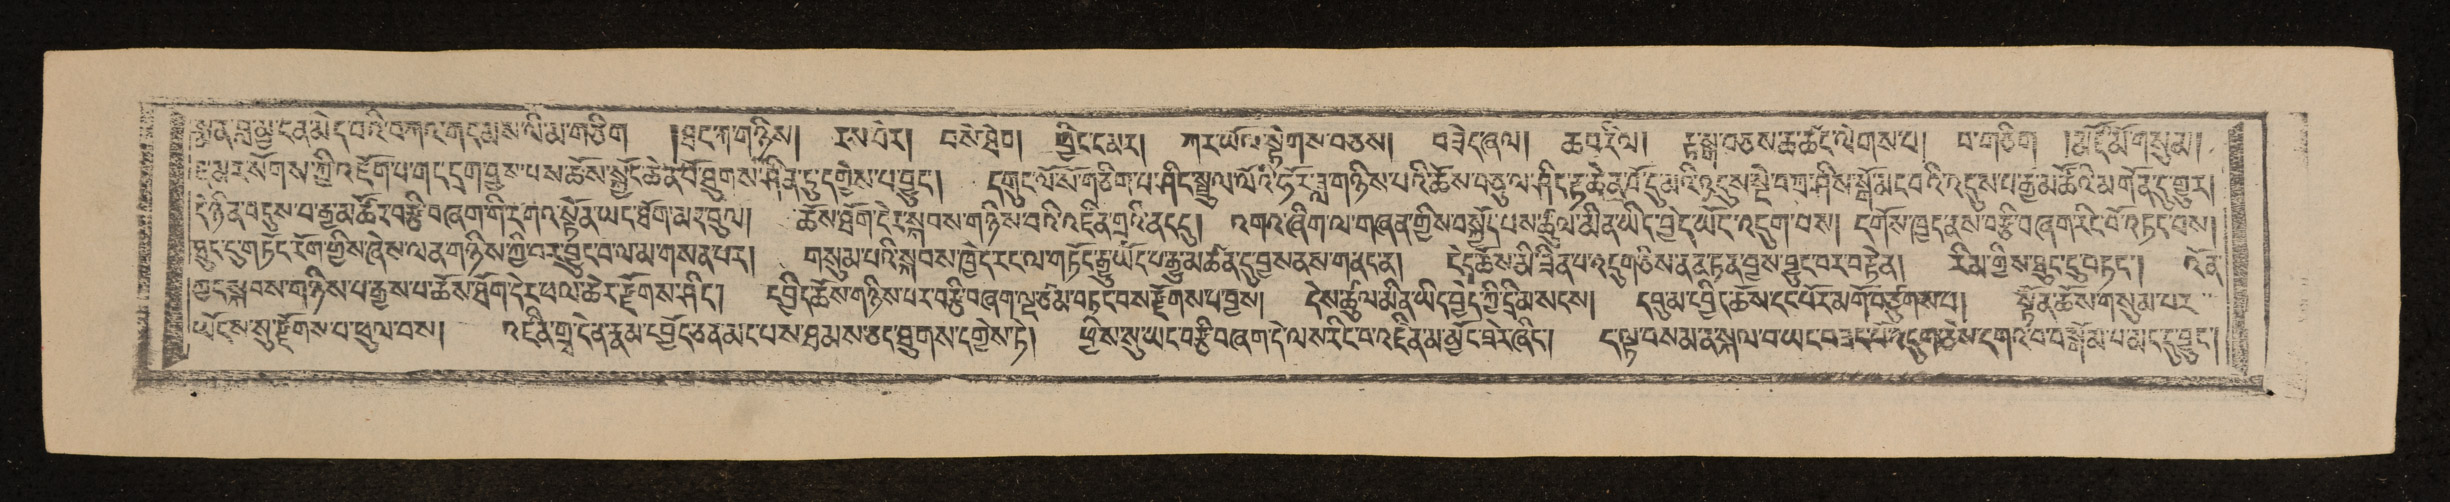སྨན་བླ་མྱ་ངན་མེད་པའི་བཀའ་གདམས་ལི་མ་གཅིག །ཐང་ཀ་གཉིས། རས་བེར། བསེ་ཐེབ། ཕྱིང་དམར། ཀར་ཡོལ་སྟེགས་བཅས། བཟེད་ཞལ། ཆབ་རིལ། རྟ་སྒ་བཅས་ཆ་ཚང་ལེགས་པ། བ་གཅིག །མཛོ་མོ་གསུམ།
ཇ་མར་སོགས་ཀྱི་འཇོག་པ་གང་དྲག་བྱས་པས་ཆོས་སྐྱོང་ཆེན་པོ་ཐུགས་ཤིན་ཏུ་དགྱེས་པ་བྱུང་། དགུང་ལོ་སོ་གཅིག་པ་ཤིང་སྦྲུལ་ལོའི་ཧོར་ཟླ་གཉིས་པའི་ཚེས་བཅུ་ལ་ཤིང་རྟ་ཆེན་པོ་དུ་མའི་འདུས་སྡེ་བཀྲ་ཤིས་སྒོ་མང་བའི་འདུས་པ་རྒྱ་མཚོའི་མགོན་དུ་གྱུར།
དེ་ཉིན་འདུས་པ་རྒྱ་མཚོར་བརྩི་བཞག་གི་དགའ་སྟོན་ཡང་ཐོག་མར་ཕུལ། ཆོས་ཐོག་དེར་སྐབས་གཉིས་པའི་འཛིན་གྲའི་ནང་དུ། འགའ་ཞིག་ལ་གཞན་གྱིས་བསྐྱོད་པས་ཚུལ་མིན་ཡིད་བྱེད་ཡོད་འདུག་པས། དགོས་ཁྱད་ནས་བརྩི་བཞག་རིང་པོ་བཏང་བས།
ཐུང་དུ་གཏོང་རོག་གྱིས་ཞེས་ལན་གཉིས་ཀྱི་བར་བྱུང་བ་ལམ་གསན་པར། གསུམ་པའི་སྐབས་ཁྱེད་རང་ལ་གཏོང་རྒྱུ་ཡོད་པ་རྒྱུ་མཚན་དུ་བྱས་ནས་གནང་ན། ངེད་ཚོས་མི་ཟིན་པ་འདུག་ཅེས་ནན་ཏན་བྱས་བྱུང་བར་བརྟེན། རིམ་གྱིས་ཐུང་དུ་བཏང་། འོན་
ཀྱང་སྐབས་གཉིས་པ་རྒྱས་པ་ཆོས་ཐོག་དེར་ཕལ་ཆེར་རྫོགས་ཤིང་། དཔྱིད་ཆོས་གཉིས་པར་བརྩི་བཞག་ལྔ་ཙམ་བཏང་པས་རྫོགས་པ་བྱས། དེས་ཚུལ་མིན་ཡིད་བྱེད་ཀྱི་དྲི་མ་སངས། དབུ་མ་དཔྱིད་ཆོས་དང་པོར་མགོ་བཙུགས་པ། སྟོན་ཆོས་གསུམ་པར་
ཡོངས་སུ་རྫོགས་པ་ཕུལ་བས། འཛིན་གྲྭ་དེ་ན་རྣམ་དཔྱོད་ཅན་མང་པས་ཐམས་ཅད་ཐུགས་དགྱེས་ཏེ། ཕྱིས་སུ་ཡང་བརྩི་བཞག་དེ་ལས་རིང་བ་འཛིན་མ་མྱོང་ཟེར་ཞིང་། ད་ལྟ་བསམ་ན་སྐལ་བ་ཡང་བཟང་པོ་འདུག་ཅེས་དགའ་བ་བསྒོམ་པ་མང་དུ་བྱུང་།